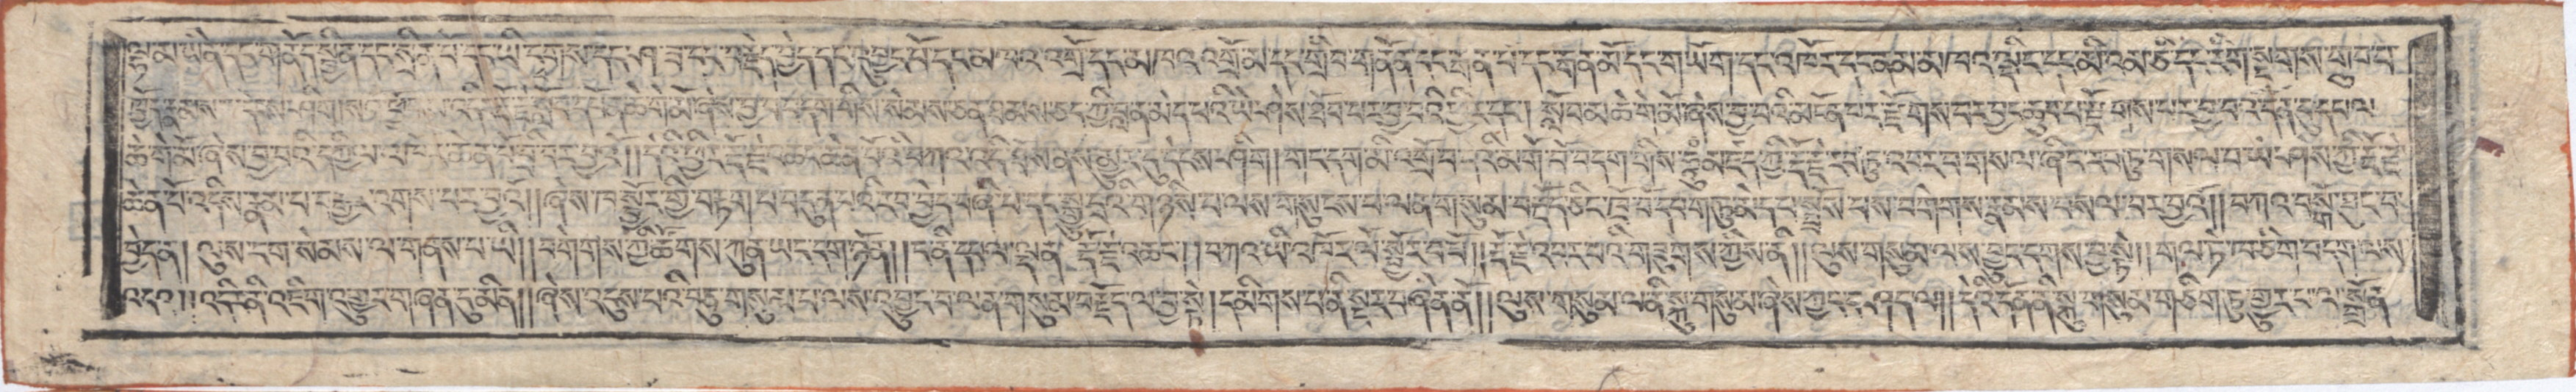ལྷ་མ་ཡིན་དང་གནོད་སྦྱིན་དང་སྲིན་པོ་དང་ཡི་དྭགས་དང་ཤ་ཟ་དང་བརྗེད་བྱེད་དང་འབྱུང་པོ་དང་མཁའ་འགྲོ་དང་མཁའ་འགྲོ་མ་དང་གྲིབ་གནོན་དང་རྒན་པོ་དང་རྒན་མོ་དང་གཡོག་དང་འཁོར་དང་ནམ་མཁའ་ལྡིང་དང་མི་འམ་ཅི་དང་རིག་སྔགས་གྲུབ་པ་
ཁྱོད་རྣམས་དེངས་ཤིག །སའི་ཕྱོགས་འདིར་རྡོ་རྗེ་སློབ་དཔོན་ཆེ་གེ་མོ་ཞེས་བྱ་བ་བདག་གིས་སེམས་ཅན་ཐམས་ཅད་ཀྱི་བླ་ན་མེད་པའི་ཡེ་ཤེས་ཐོབ་པར་བྱ་བའི་ཕྱིར་དང་། སློབ་མ་ཆེ་གེ་མོ་ཞེས་བྱ་བའི་མངོན་པར་རྫོགས་པར་བྱང་ཆུབ་པ་རྫོགས་པར་བྱ་བའི་དོན་དུ་དཔལ་
ཆེ་གེ་མོ་ཞེས་བྱ་བའི་དཀྱིལ་འཁོར་ཆེན་པོ་བྲི་བར་བྱའོ། །དེའི་ཕྱིར་རྡོ་རྗེ་འཆང་ཆེན་པོའི་བཀའ་འདི་ཐོས་ནས་མྱུར་དུ་དེངས་ཤིག །གང་དག་མི་འགྲོ་བ་དེའི་མགོ་བོ་བདག་གིས་ཧཱུཾ་མཛད་ཀྱི་རྡོ་རྗེ་རབ་ཏུ་འབར་བ་གསལ་ཞིང་རབ་ཏུ་གསལ་བ་ཡེ་ཤེས་ཀྱི་རྡོ་རྗེ་
ཆེན་པོ་འདིས་རྣམ་པ་བརྒྱར་འགས་པར་བྱའོ། །ཞེས་ཁ་སྦྱོར་གྱི་བརྟག་པ་བདུན་པའི་རབ་བྱེད་བཞི་པ་དང་སྒྱུ་དྲའི་གཉིས་པ་ལས་གསུངས་པ་ལན་གསུམ་བརྗོད་ཅིང་ཁྲོ་བོ་དཔག་ཏུ་མེད་པ་སྤྲོས་པས་བགེགས་རྣམས་བསལ་བར་བྱའོ། །བཀའ་བསྒོ་ཐུང་བ་
བྱེད་ན། ལུས་ངག་སེམས་ལ་གནས་པ་ཡི། །བགེགས་ཀྱི་ཚོགས་ཀུན་ཡང་དག་ཉོན། །ང་ནི་དཔལ་ལྡན་རྡོ་རྗེ་འཆང་། །བཀའ་ཡི་འཁོར་ལོ་སྦྱོར་བ་པོ། །རྡོ་རྗེ་འབར་བའི་གཟུགས་ཀྱིས་ནི། །ལུས་གསུམ་ལས་བྱུང་དགས་བྱ་སྟེ། །གལ་ཏེ་ཁ་ཅིག་བདག་ལས་
འདའ། །འདིར་ནི་འཇིག་འགྱུར་གཞན་དུ་མིན། །ཞེས་འདུས་པའི་བཅུ་གསུམ་པ་ལས་འབྱུང་བ་ལན་གསུམ་བརྗོད་ལ་བྱ་སྟེ། དམིགས་པ་ནི་སྔར་བཞིན་ནོ། །ལུས་གསུམ་ལ་ནི་སྐུ་གསུམ་ཞེས་ཀྱང་བཤད་ལ། །དེའི་དོན་ནི་སྐུ་གསུམ་གཅིག་ཏུ་གྱུར་པ་ལ་སྒྲོན་